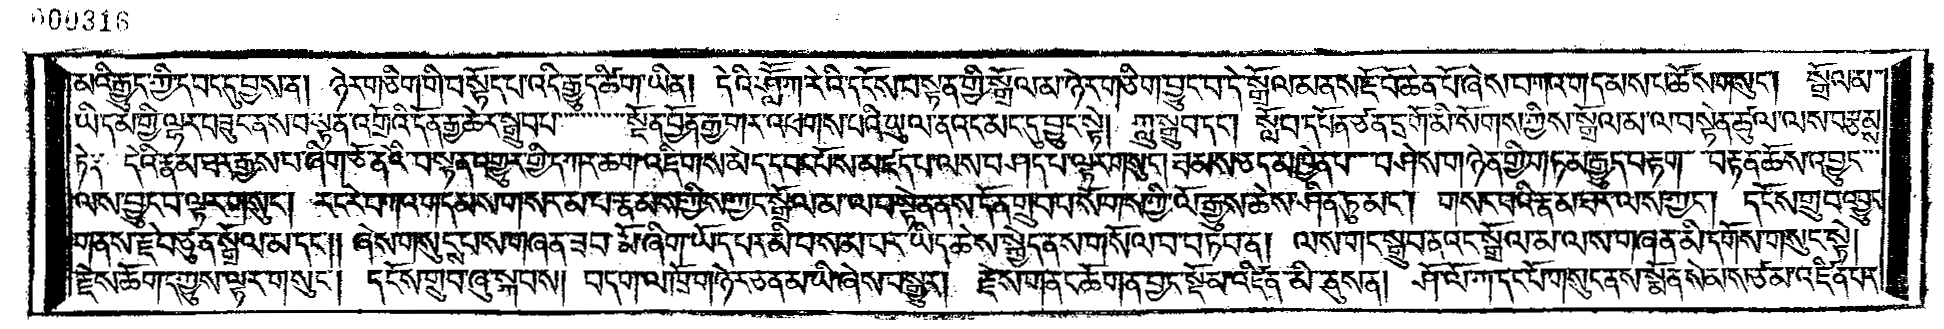མའི་རྒྱུད་ཀྱི་དབང་དུ་བྱས་ན། ཉེར་གཅིག་གི་བསྟོད་པ་འདི་རྒྱུད་ཚིག་ཡིན། དེའི་ཤླཽ་ཀ་རེའི་དངོས་བསྟན་གྱི་སྒྲོལ་མ་ཉེར་གཅིག་བྱུང་བ་དེ་སྒྲོལ་མ་ནས་ཇོ་བོ་ཆེན་པོ་ཞེས་བཀའ་གདམས་པ་ཚོས་གསུང་། སྒྲོལ་མ་
ཡི་དམ་གྱི་ལྷར་བཟུང་ནས་བསྟན་འགྲོའི་དོན་རྒྱ་ཆེར་སྒྲུབ་པ་སྔོན་བྱོན་རྒྱ་གར་འཕགས་པའི་ཡུལ་ནའང་མང་དུ་བྱུང་སྟེ། ཀླུ་སྒྲུབ་དང་། སློབ་དཔོན་ཙན་དྲ་གོ་མི་སོགས་ཀྱིས་སྒྲོལ་མ་ལ་བསྟེན་ཚུལ་ལས་བརྩམས་
ཏེ༑ དེའི་རྣམ་ཐར་རྒྱས་པ་ཞིག་ཅོ་ནེའི་བསྟན་འགྱུར་གྱི་དཀར་ཆག་འཇིགས་མེད་དབང་པོས་མཛད་པ་ལས་བཤད་པ་ལྟར་གསུང་། ཐམས་ཅད་མཁྱེན་པ་བཤེས་གཉེན་གྱི་གཏམ་རྒྱུད་བརྟག་བརྟན་ཆོས་འབྱུང་
ལས་བྱུང་བ་ལྟར་གསུང་། རང་རེ་བཀའ་གདམས་གསར་མ་པ་རྣམས་ཀྱིས་ཀྱང་སྒྲོལ་མ་ལ་བསྟེན་ནས་དོན་གྲུབ་པ་སོགས་ཀྱི་ལོ་རྒྱུས་ཆེས་ཤིན་ཏུ་མང་། གསང་བའི་རྣམ་ཐར་ལས་ཀྱང་། དངོས་གྲུབ་འབྱུང་
གནས་རྗེ་བཙུན་སྒྲོལ་མ་དང་། །ཞེས་གསུངས་པས་གཞན་ཟབ་མོ་ཞིག་ཡོད་པར་མི་བསམ་པར་ཡིད་ཆེས་སྐྱེད་ནས་གསོལ་བ་བཏབ་ན། ལས་གང་སྒྲུབ་ནའང་སྒྲོལ་མ་ལས་གཞན་མི་དགོས་གསུང་སྟེ།
རྗེས་ཆོག་དཀྱུས་ལྟར་གསུང་། དངོས་གྲུབ་ཞུ་སྐབས། བདག་ལ་ཁྲོ་གཉེར་ཅན་མ་ཡི་ཞེས་བསྒྱུར། རྗེས་གནང་ཆོག་ན་བྱང་སྡོམ་འཛིན་མི་ནུས་ན། ཤོ་ལོ་ཀ་དང་པོ་གསུང་ནས་སྨོན་སེམས་ཙམ་འཛིན་པར་